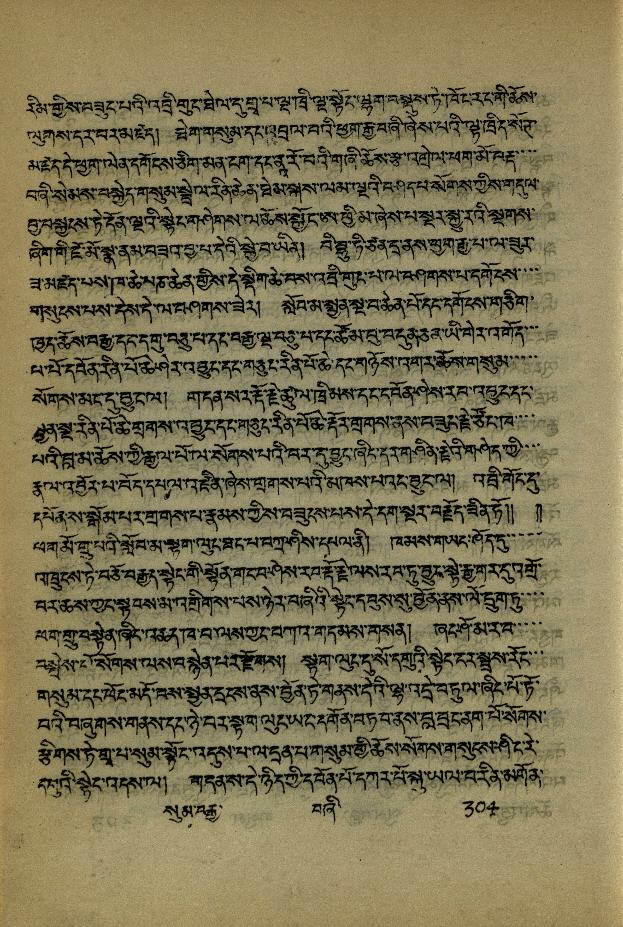རིམ་གྱིས་བཟུང་པའི་འབྲི་གུང་ཐེལ་དུ་གྲྭ་པ་ལྔ་ཁྲི་ལྔ་སྟོང་ལྷག་བསྡུས་ཏེ་ཁོང་རང་གི་ཆོས་
ལུགས་དར་བར་མཛད། ཐེག་གསུམ་དང་འབྲལ་བའི་ཕྱག་རྒྱ་བཞི་ཞེས་པའི་ལྟ་ཁྲིད་སོཌ་
མཛད་དེ་ཕྱག་ལེན་དགོངས་ཅིག་མན་ངག་དང་ནཱ་རོ་བའི་གཞི་ཆོས་རྩ་འགྲེལ་ཕག་མོ་བརྡ་
བཞི་སེམས་བསྐྱེད་གསུམ་སྦྲེལ་རིན་ཆེན་ཐེམ་སྐས་ལམ་ལྔའི་བཤད་པ་སོགས་ཀྱིས་གདུལ་
བྱ་བསྐྱངས་ཏེ་དོན་ལྔའི་སྟེང་གཤེགས་ལ་ཆོས་སྐྱོང་ཨ་ཕྱི་མ་ཞེས་པ་སྔར་སྐྱུ་རའི་སྔགས་
ཞིག་གི་ཇོ་མོ་སྣ་ནམ་བཟའ་བྱ་བ་དེའི་སྐྱེ་བ་ཡིན། བི་བྷུ་ཏི་ཙན་དྲ་ནས་ཕྱག་རྒྱ་པ་ལ་ཟུར་
ཟ་མཛད་པས་ཁ་ཆེ་པཎ་ཆེན་གྱིས་དེ་སྡིག་ཆེ་བས་འབྲི་གུང་པ་ལ་བཤགས་པ་དགོངས་
གསུངས་པས་དེས་དེ་ལ་བཤགས་ཟེར། སློབ་མ་སྤྱན་སྔ་བ་ཆེན་པོ་དང་དགོངས་གཅིག་
ཁྱད་ཆོས་བརྒྱ་དང་དགུ་བཅུ་པ་དང་བརྒྱ་ལྔ་བཅུ་པ་དང་ཚོམ་བུ་བདུན་ཅན་ཡི་གེར་འགོད་
པ་པོ་དབོན་རིན་པོ་ཆེ་ཤེར་འབྱུང་དང་གཅུང་རིན་པོ་ཆེ་དང་གཉོས་འགར་ཆོས་གསུམ་
སོགས་མང་དུ་བྱུང་ལ། གདན་སར་རྡོ་རྗེ་ཚུལ་ཁྲིམས་དང་དབོན་ཤེས་རབ་འབྱུང་དང་
སྤྱན་སྔ་རིན་པོ་ཆེ་གྲགས་འབྱུང་དང་གཅུང་རིན་པོ་ཆེ་རྡོར་གྲགས་ནས་བཟུང་རྗེ་ཙོང་ཁ་
པའི་བླ་མ་ཆོས་ཀྱི་རྒྱལ་པོ་ལ་སོགས་པའི་བར་དུ་བྱུང་ཞིང་དར་གཤིན་རྗེའི་གཤེད་ཀྱི་
རྣལ་འབྱོར་པ་བོད་དཔལ་འཛིན་ཞེས་གྲགས་པའི་མཁས་པའང་བྱུང་ལ། འབྲི་གོང་དུ་
དཔོན་ས་སྒོམ་པར་གྲགས་པ་རྣམས་ཀྱིས་བཟུངས་པས་དེ་དག་སྔར་བརྗོད་ཟིན་ཏོ།། །།
ཕག་མོ་གྲུ་པའི་སློབ་མ་སྟག་ལུང་ཐང་པ་བཀྲ་ཤིས་དཔལ་ནི། ཁམས་གཡང་ཤོད་དུ་
འཁྲུངས་ཏེ་བཅོ་བརྒྱད་སྟེང་གི་སྟོན་གང་བ་ཤེས་རབ་རྡོ་རྗེ་ལས་རབ་ཏུ་བྱུང་སྟེ་རྒྱ་གར་དུ་འགྲོ་
བར་ཆས་ཀྱང་སྟབས་མ་འགྲིགས་པས་ཉེར་བཞིའི་སྟེང་དབུས་སུ་བྱོན་ནས་ལོ་དྲུག་ཏུ་
ཕག་གྲུ་བསྟེན་ཞིང་འཆད་ཁ་བ་ལས་ཀྱང་བཀའ་གདམས་གསན། ཞང་ཤོ་མ་ར་བ་
བསྐྲེས་པོ་སོགས་ལས་བསྙེན་པར་རྫོགས། སྟག་ལུང་དུ་སོ་དགུའི་སྟེང་ངར་སྦྲས་རོང་
གསུམ་དང་ཕོང་མདོ་བས་སྤྱན་དྲངས་ནས་བྱོན་ཏེ་གནས་དེའི་ལྷ་འདྲེ་བཏུལ་ཞིང་པོ་ཏོ་
བའི་བཞུགས་གནས་དང་ཉེ་བར་སྟག་ལུང་ཡང་དགོན་བཏབ་ནས་བླ་བྲང་ནག་པོ་སོགས་
རྩིགས་ཏེ་གྲྭ་པ་སུམ་སྟོང་འདུས་པ་ལ་དྲན་པ་གསུམ་གྱི་ཆོས་སོགས་གསུངས་ཤིང་རེ་
དབུའི་སྟེང་འདས་ལ། གདན་ས་དེ་ཉིད་ཀྱི་དབོན་པོ་དཀར་པོ་སྐུ་ཡལ་བ་རིན་མགོན་